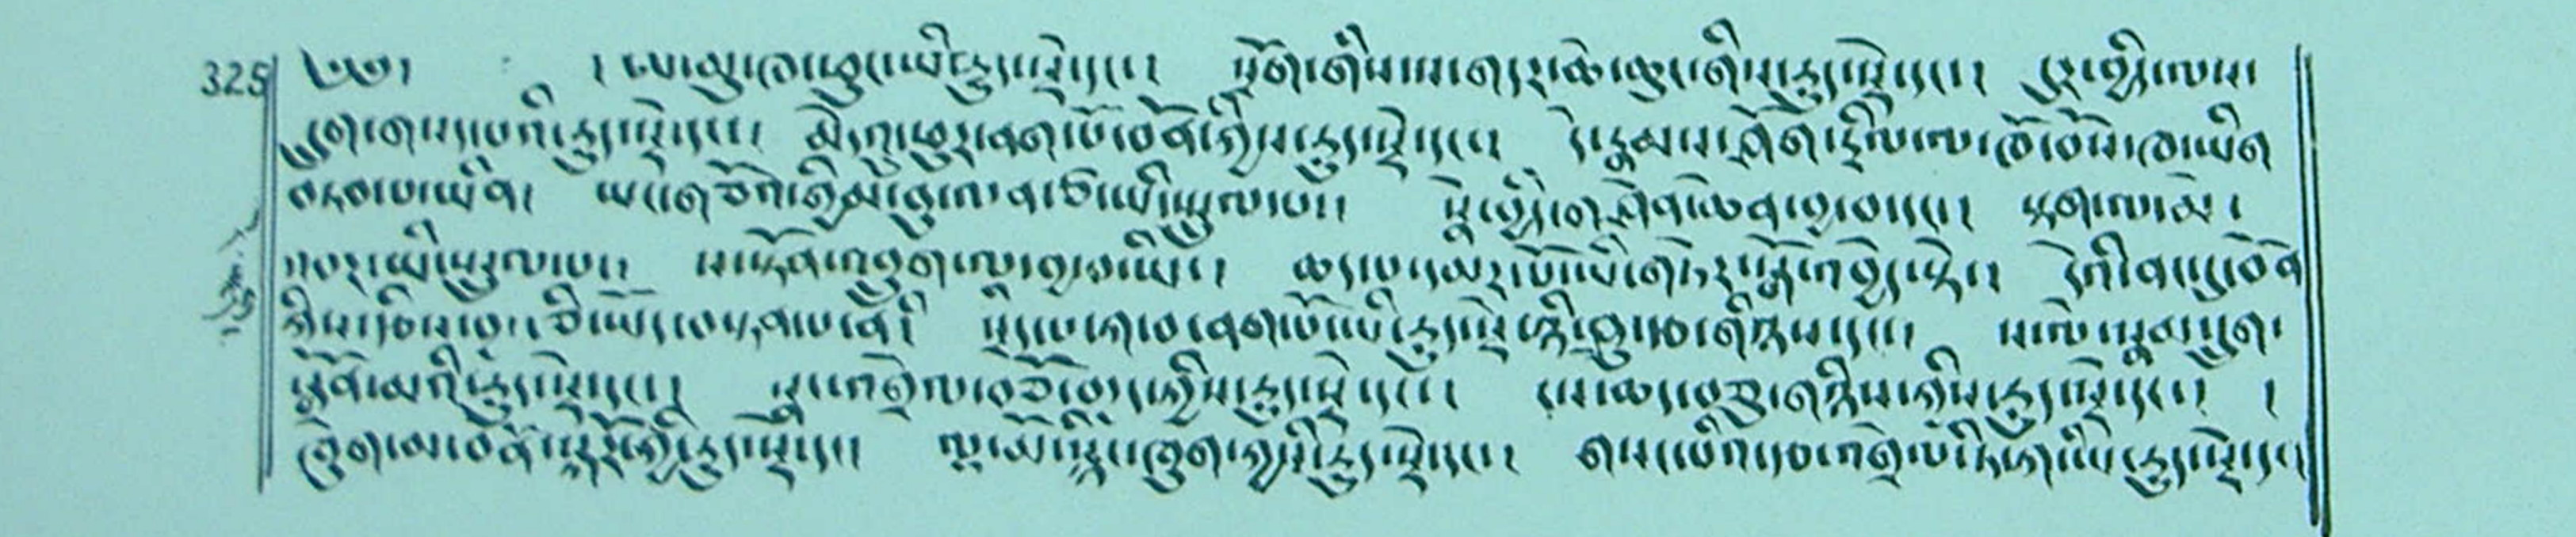༄༅། །ཨ་ནུ་ཁ་ཕུང་གི་རྒྱུད་སྡེ་དང་། སྲོག་གི་ས་གདར་ཆེ་ཆུང་གིས་རྒྱུད་སྡེ་དང་། དུར་བྱིད་ལས་
དྲུག་བསད་པའི་རྒྱུད་སྡེ་དང་། མདེའ་ཕུར་ནག་པོ་བོན་གྱིས་རྒྱུད་སྡེ་དང་། དེ་རྣམས་ཤོག་དྲིལ་ལ་ཁོ་བོས་ཁ་ཡིག་
གཏབ་པ་ཡིན་ནོ། །ཡང་གཅོ་གྱིམ་བུ་ལན་ཚའི་སྤྲུལ་པ། སྣེ་བྱིད་གཤེན་ཆེན་བྱ་བ་དང་། སྟག་ལ་མེ་
འབར་ཡི་སྤྲུལ་པ་ལས། ས་སྟོན་འབྲུག་ལ་བྱ་བ་ཡིས། ཆད་པ་དམར་པོའི་གཏེར་སྒོ་འབྱེད་སྟེ། དེའི་ནང་དུ་བོན་
གྱིས་རྩིས་བྱང་ཅི་ཡོད་པ་བསྟན་པ་ནི། སྲིད་པ་ཀ་བ་ནག་པོ་ཡི་རྒྱུད་སྡེ་ཉི་ཤུ་རྩ་གཉིས་དང་། ས་ལེ་རྣམ་དྲུག་
སྒྲོན་མའི་རྒྱུད་སྡེ་དང་། སྣང་འགྲེལ་བཅོ་བརྒྱད་ཀྱིས་རྒྱུད་སྡེ་དང་། དས་ཆད་བཅུ་གཉིས་ཀྱི་རྒྱུད་སྡེ་དང་། 
ཁུག་མ་བོན་སྐོར་གྱི་རྒྱུད་སྡེ་དང་། ལྷ་མོ་སྙིང་ཁུག་གིས་རྒྱུད་སྡེ་དང་། གསང་བའི་རྩ་འགྲེལ་ཏི་ཀ་ཡི་རྒྱུད་སྡེ་དང་།